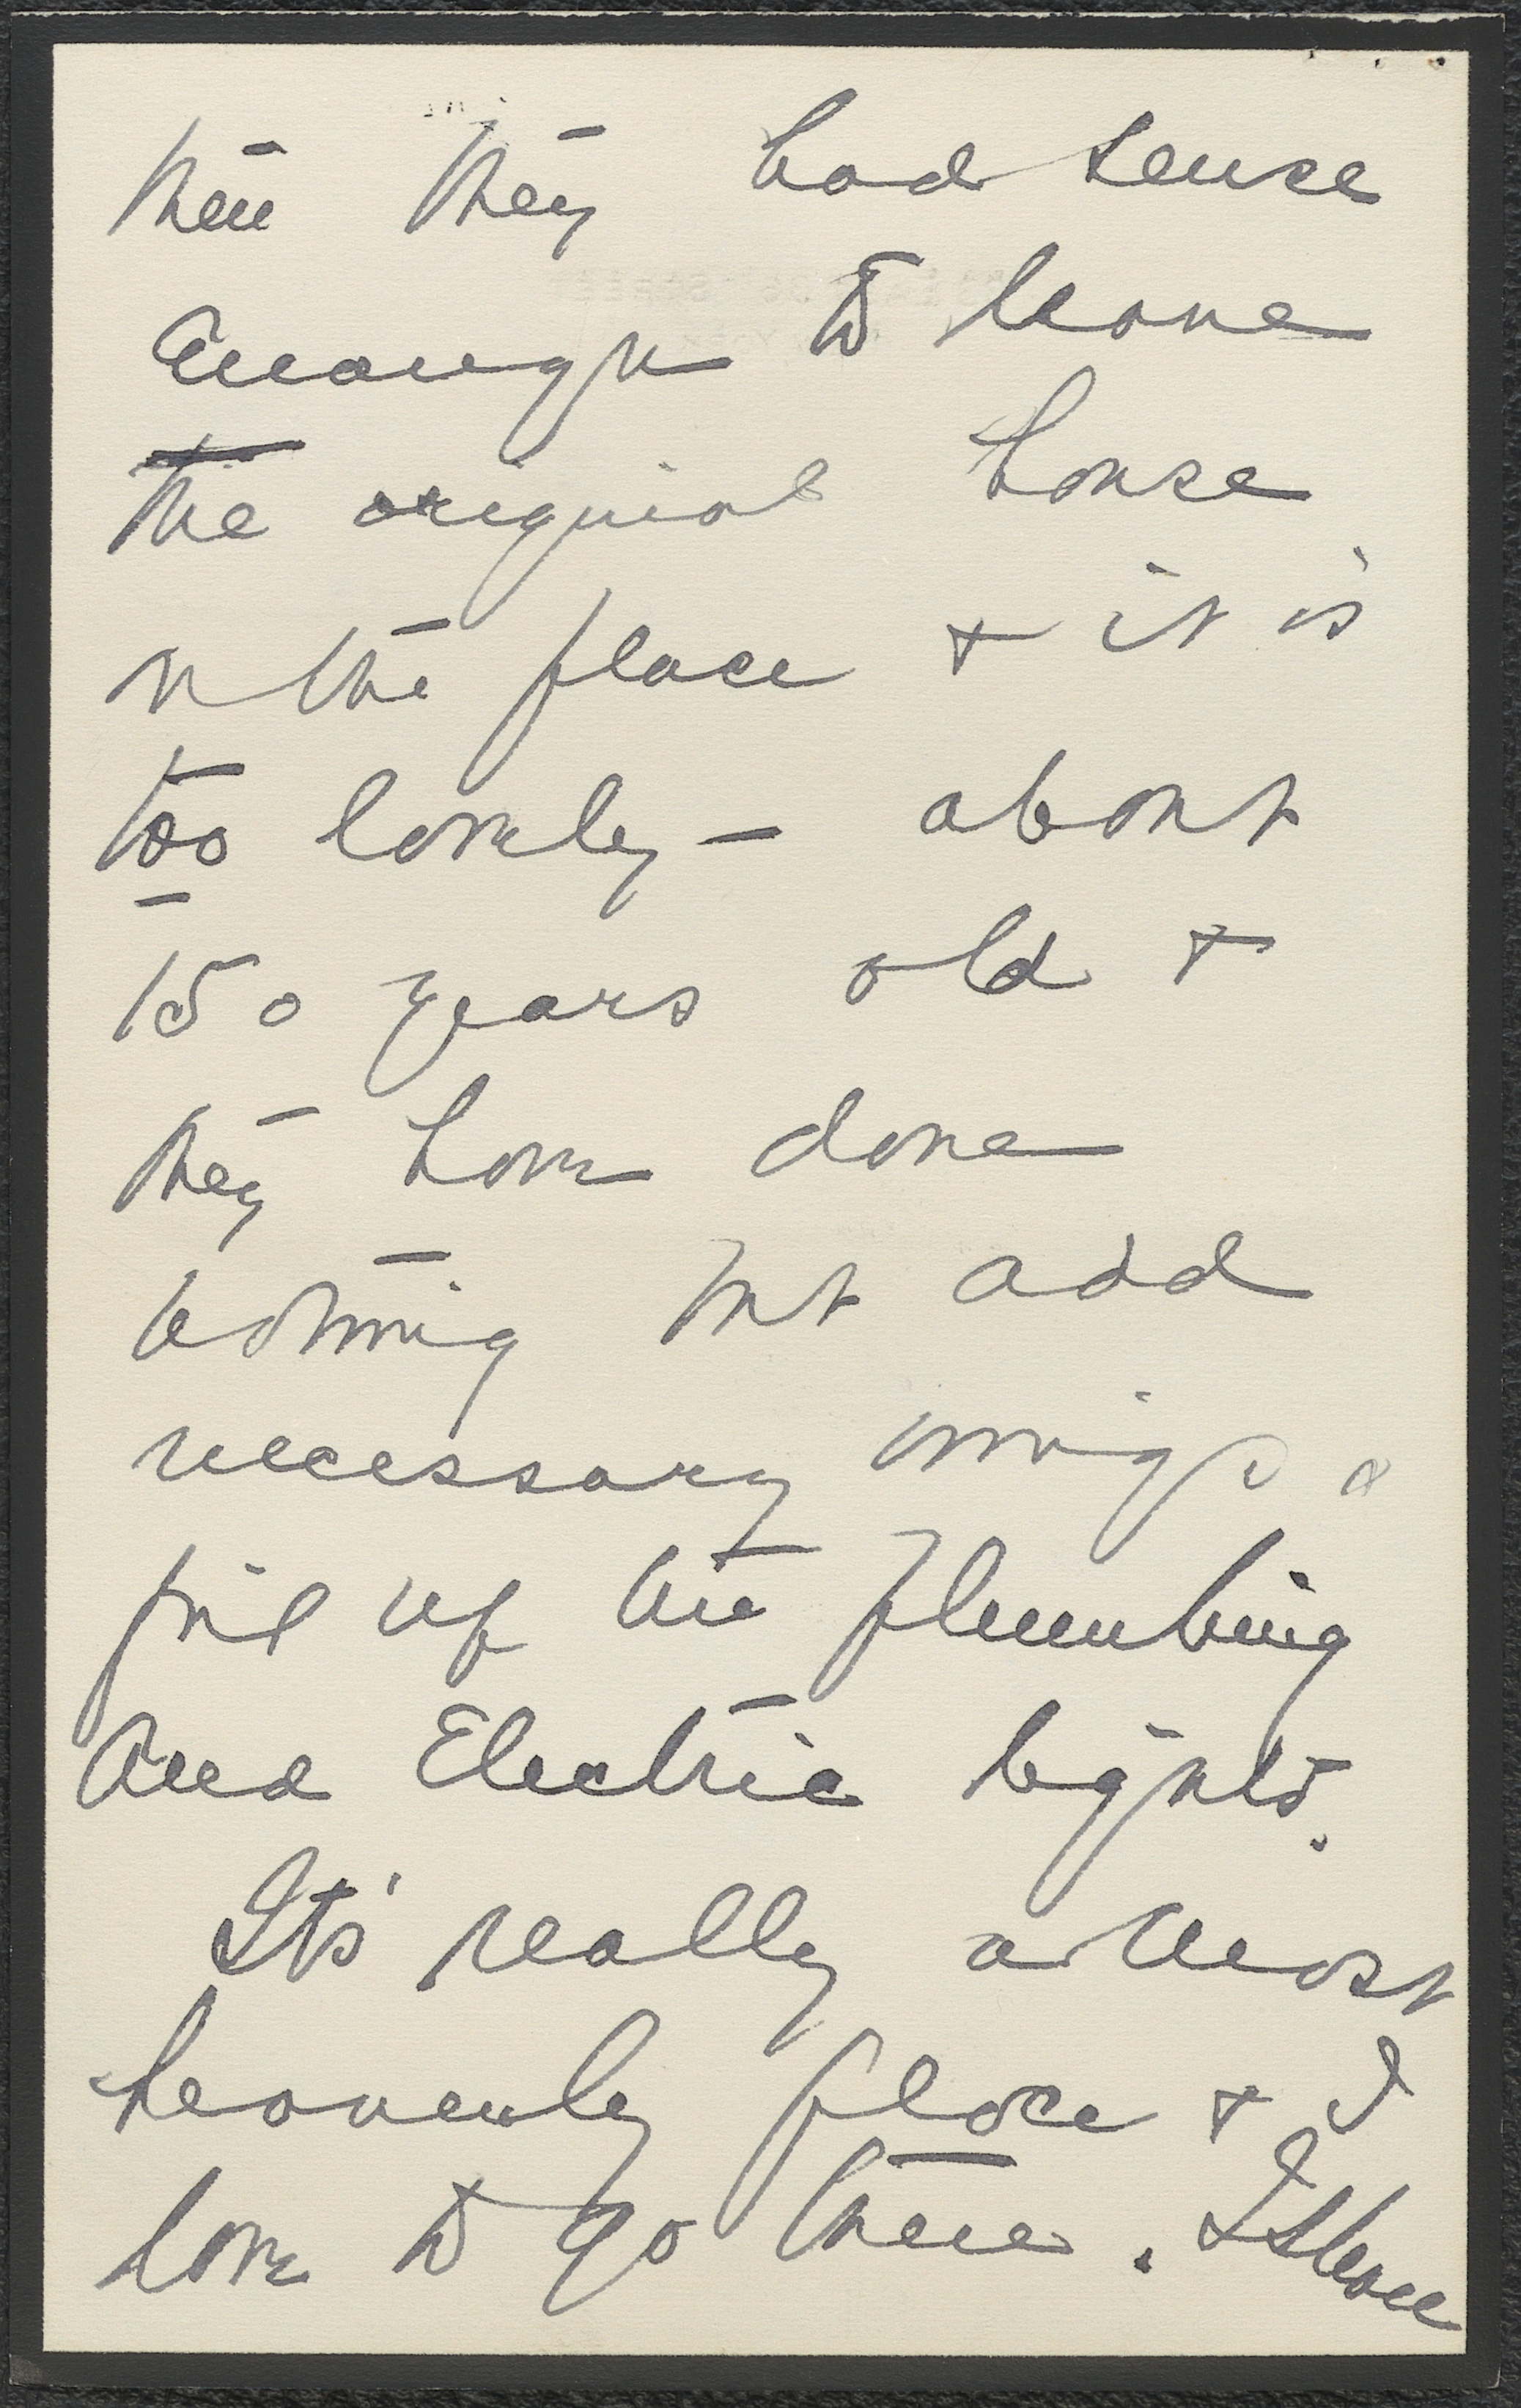then they had sense enough to leave the original house on the place & it is too lovely – about 150 years old & they have done nothing but add necessary things & fix up the plumbing and electric lights.
It’s really a most heavenly place & I love to go there. I shall